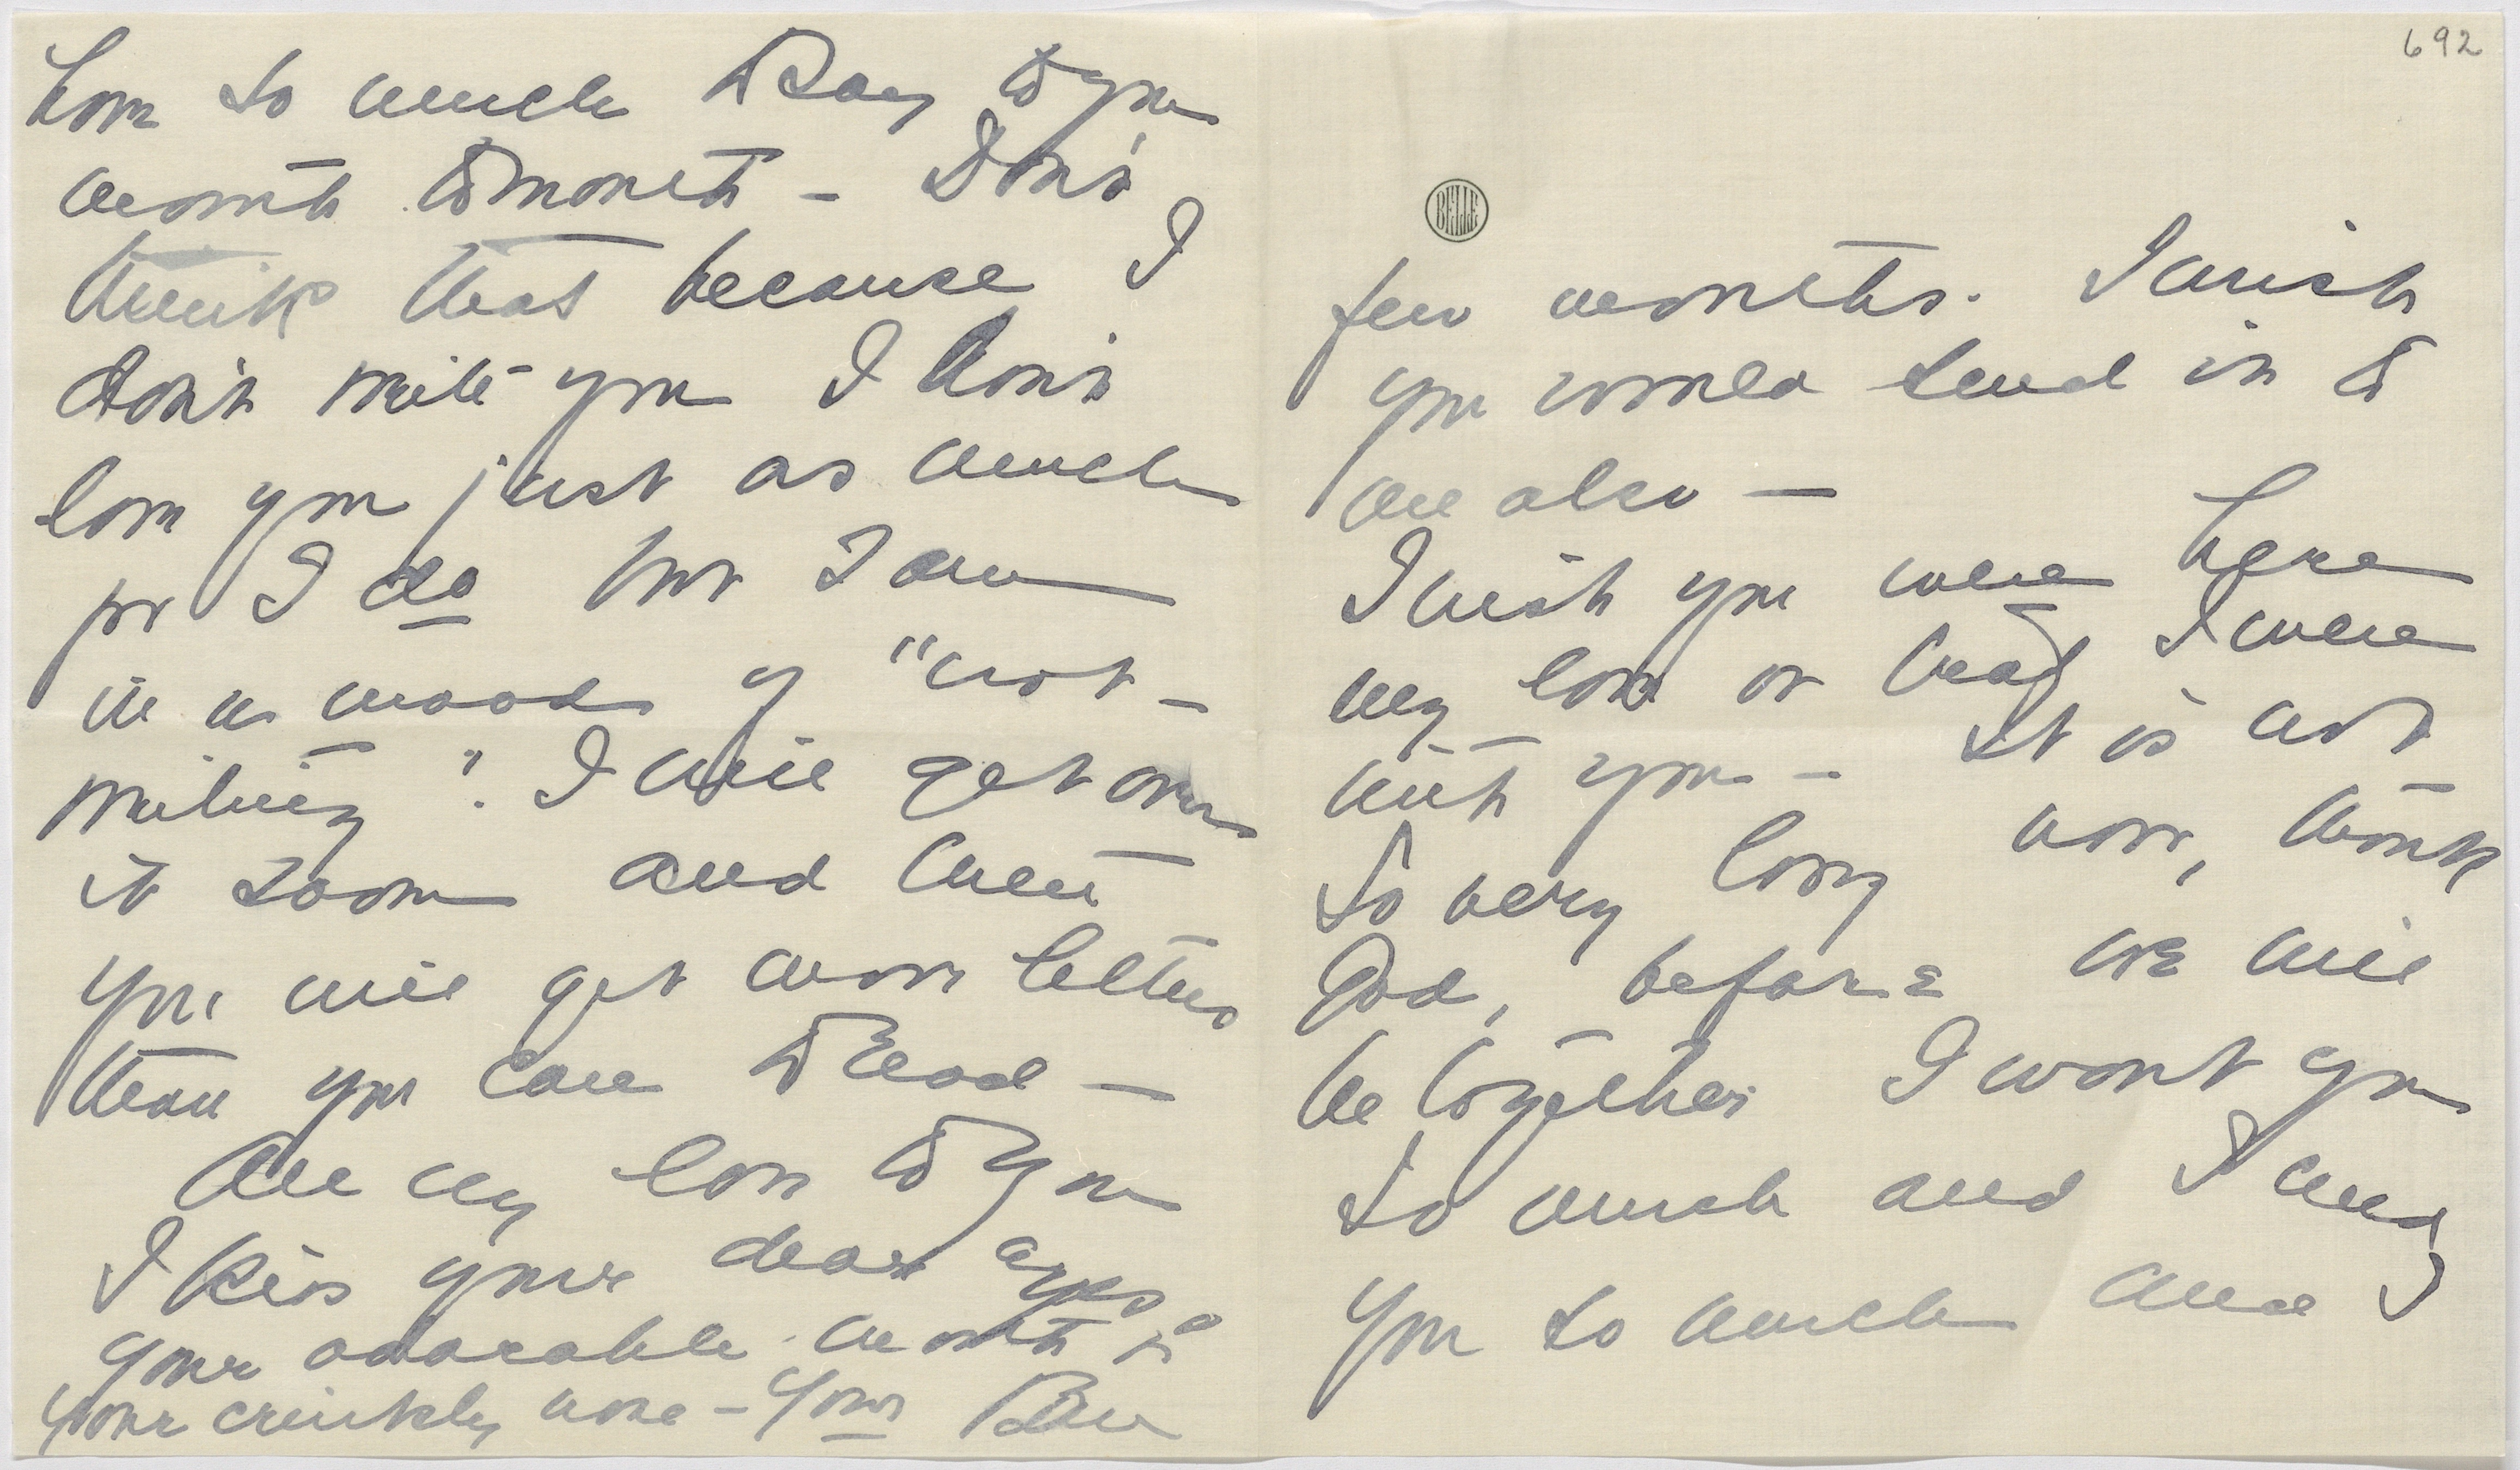few months. I wish you would send it to me also –
I wish you were here my love or that I were with you – It is not so very long now, thank God, before we will be together. I want you so much and I need you so much and I
have so much to say to you mouth to mouth – Don’t think that because I don’t write you I don’t love you just as much for I do but I am in a mood of “not-writing”! I will get over it soon and then you will get more letters than you care to read –
All my love to you I kiss your dear eyes & your adorable mouth & your crinkly nose – Your Belle